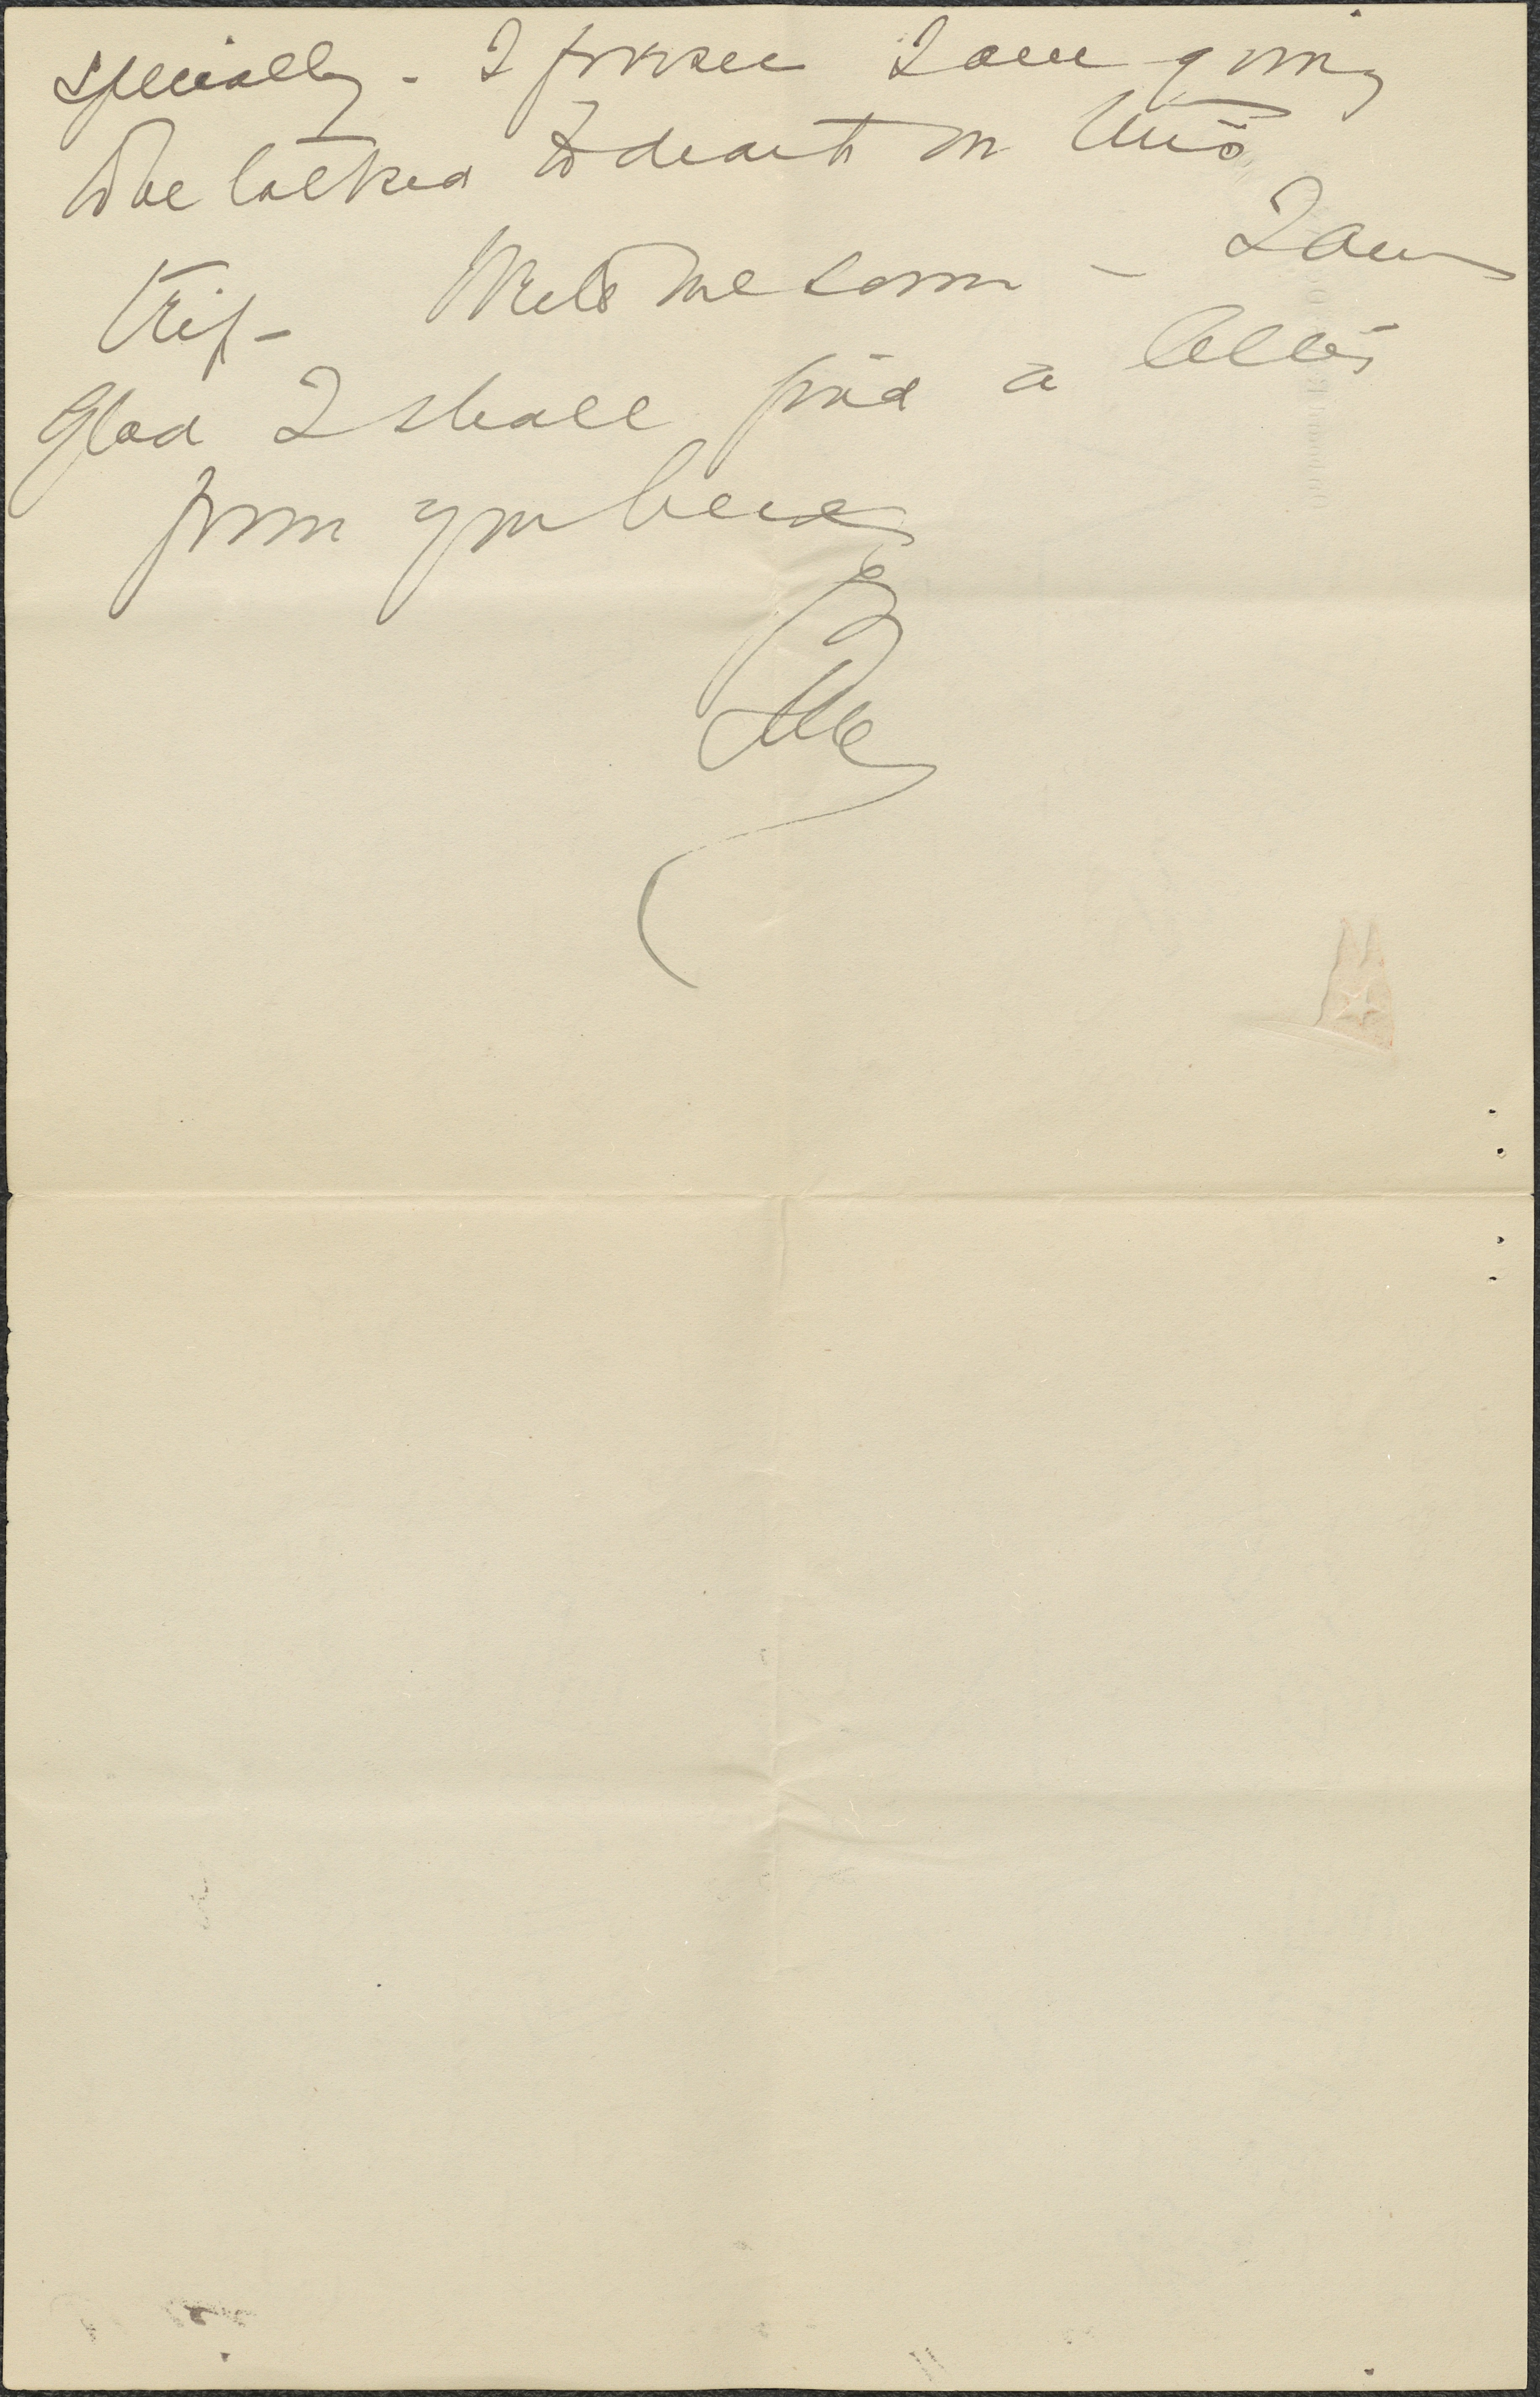specially – I forsee I am going to be talked to death on this trip – Write me some – I am glad I shall find a letter from here
Belle